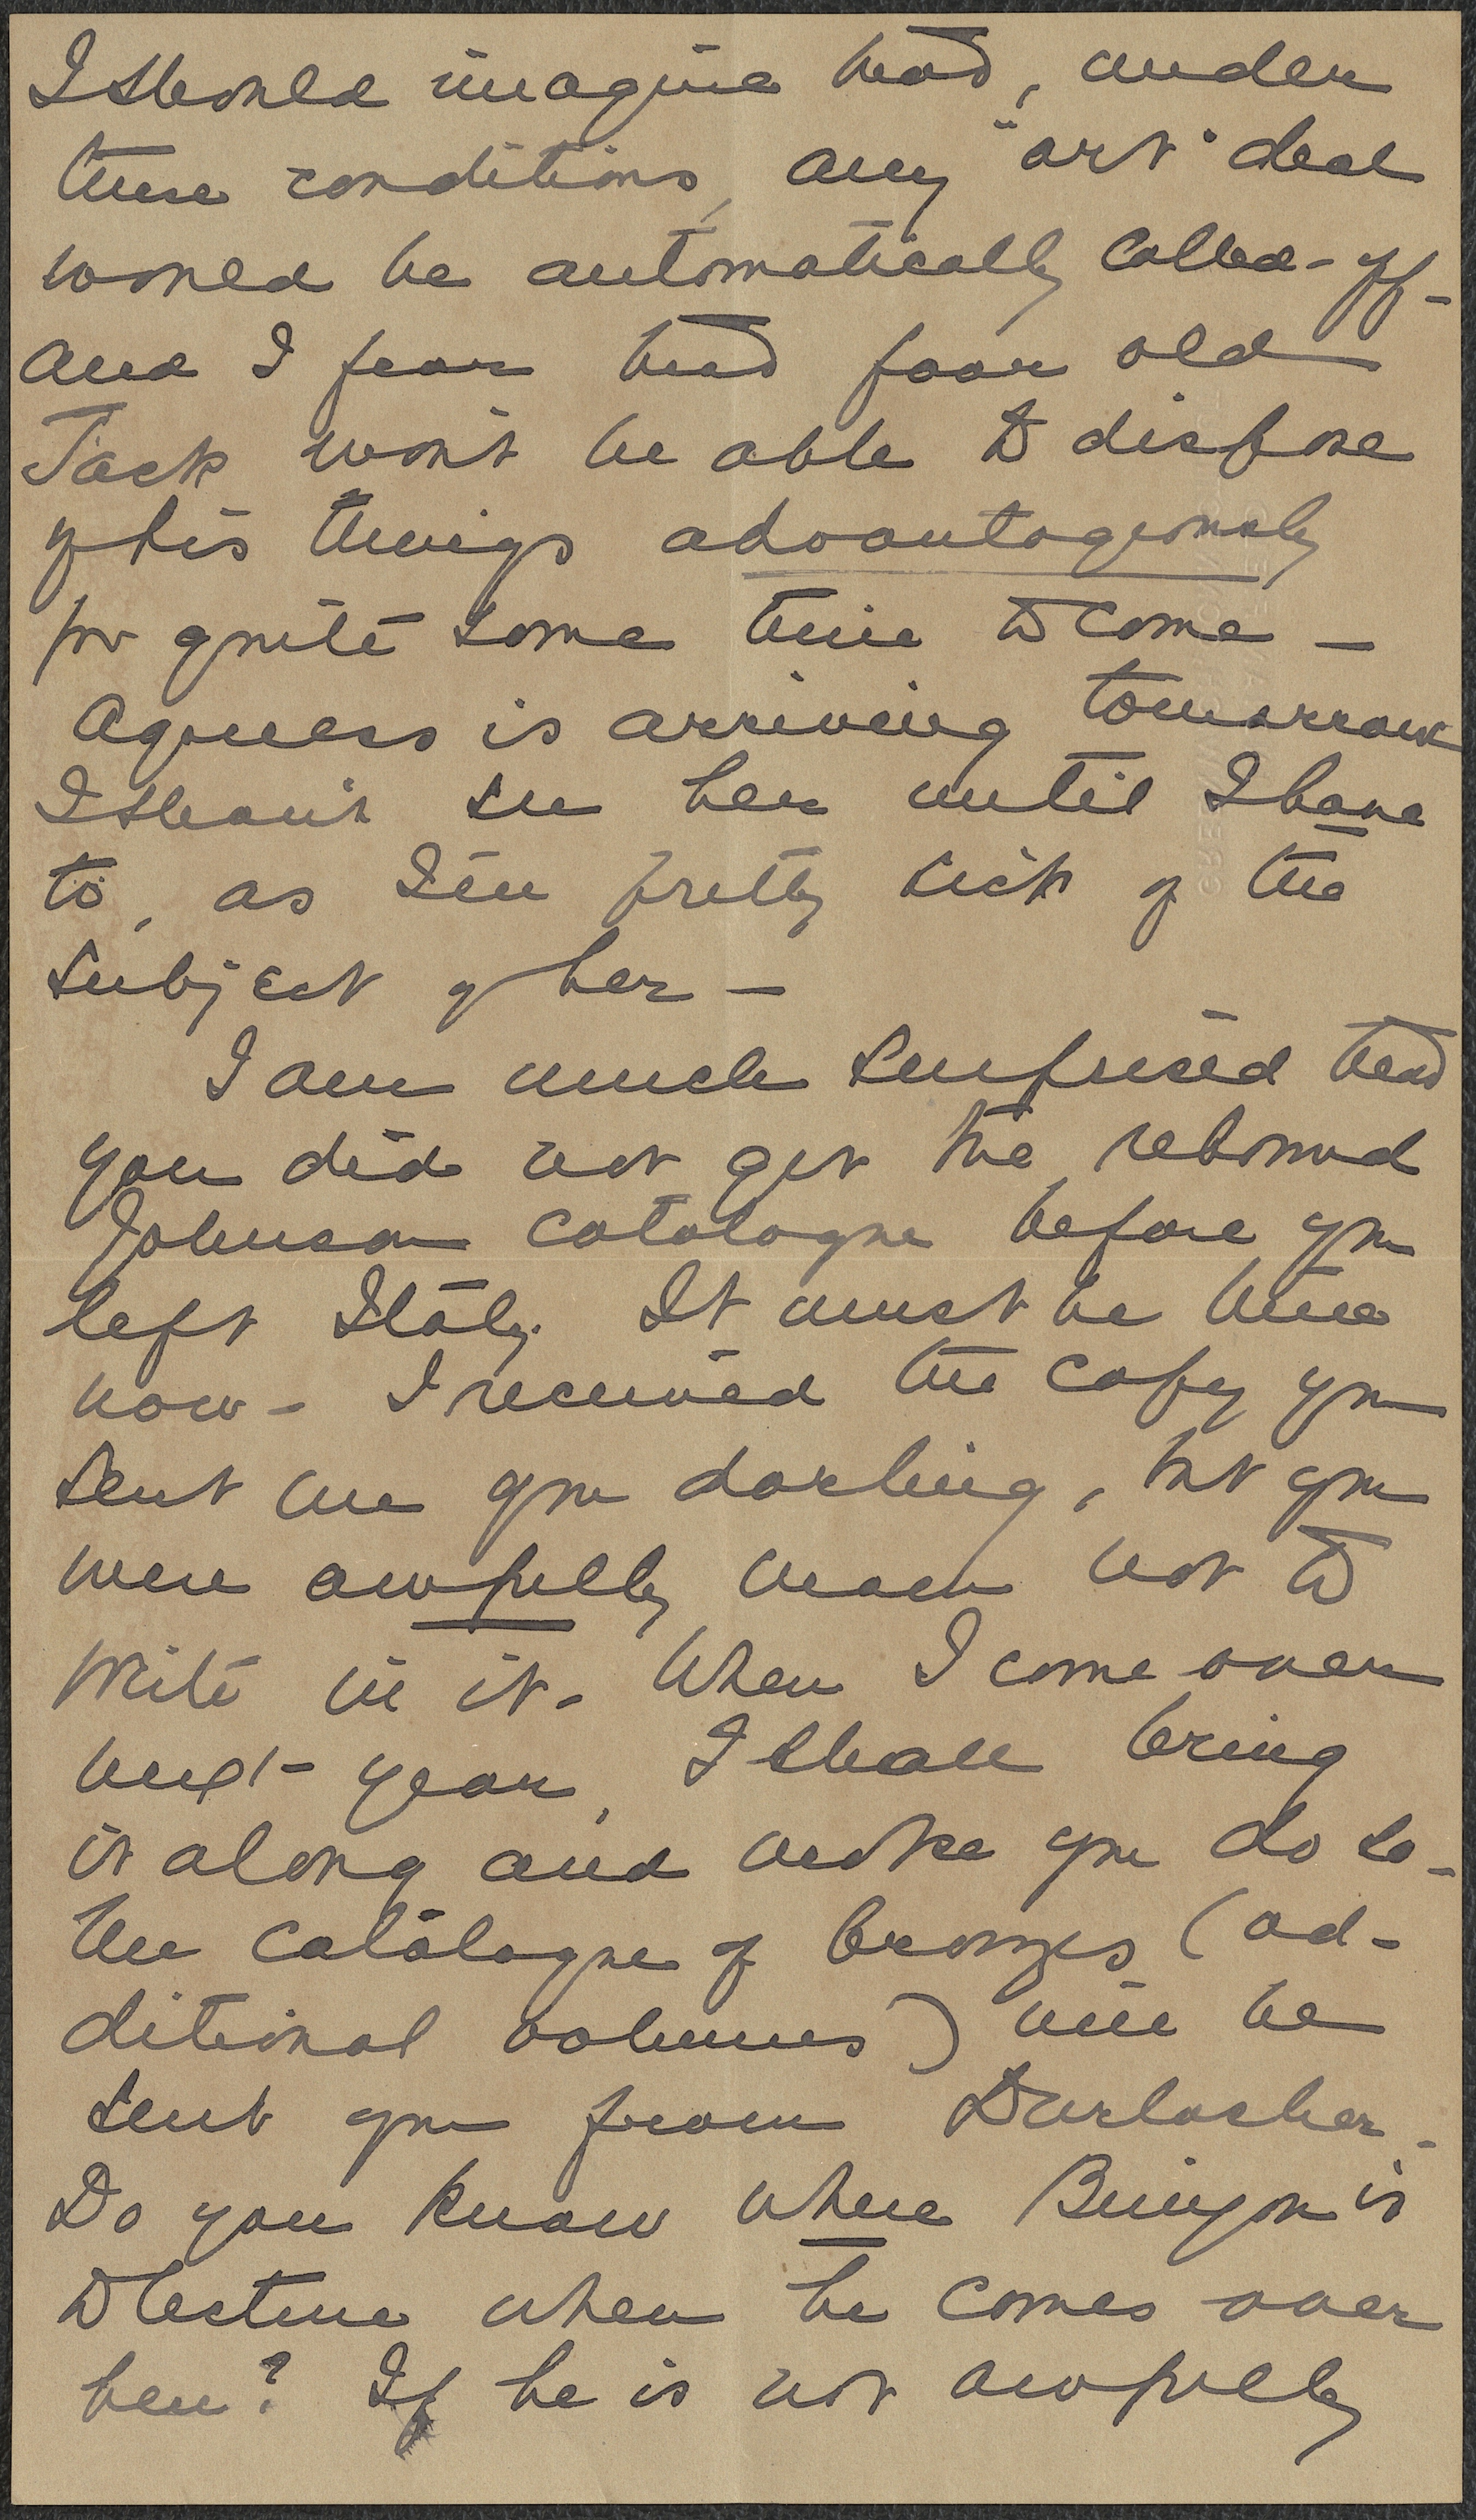I should imagine that, under these conditions, any “art” deal would be automatically called-off – and I fear that poor old Jack won’t be able to dispose of his things advantageously for quite some time to come – Agoness is arriving tomorrow – I shan’t see her until I have to, as I’m pretty sick of the subject of her –
I am much surprised that you did not get the rebound Johnson Catalogue before you left Italy. It must be there now – I received the copy you sent me you darling, but you were awfully mean not to write in it – When I come over next year, I shall bring it along and make you do so – The catalogue of bronzes (additional volumes) will be sent you from Durlacher – Do you know where Binyon is to lecture when he comes over here? If he is not awfully